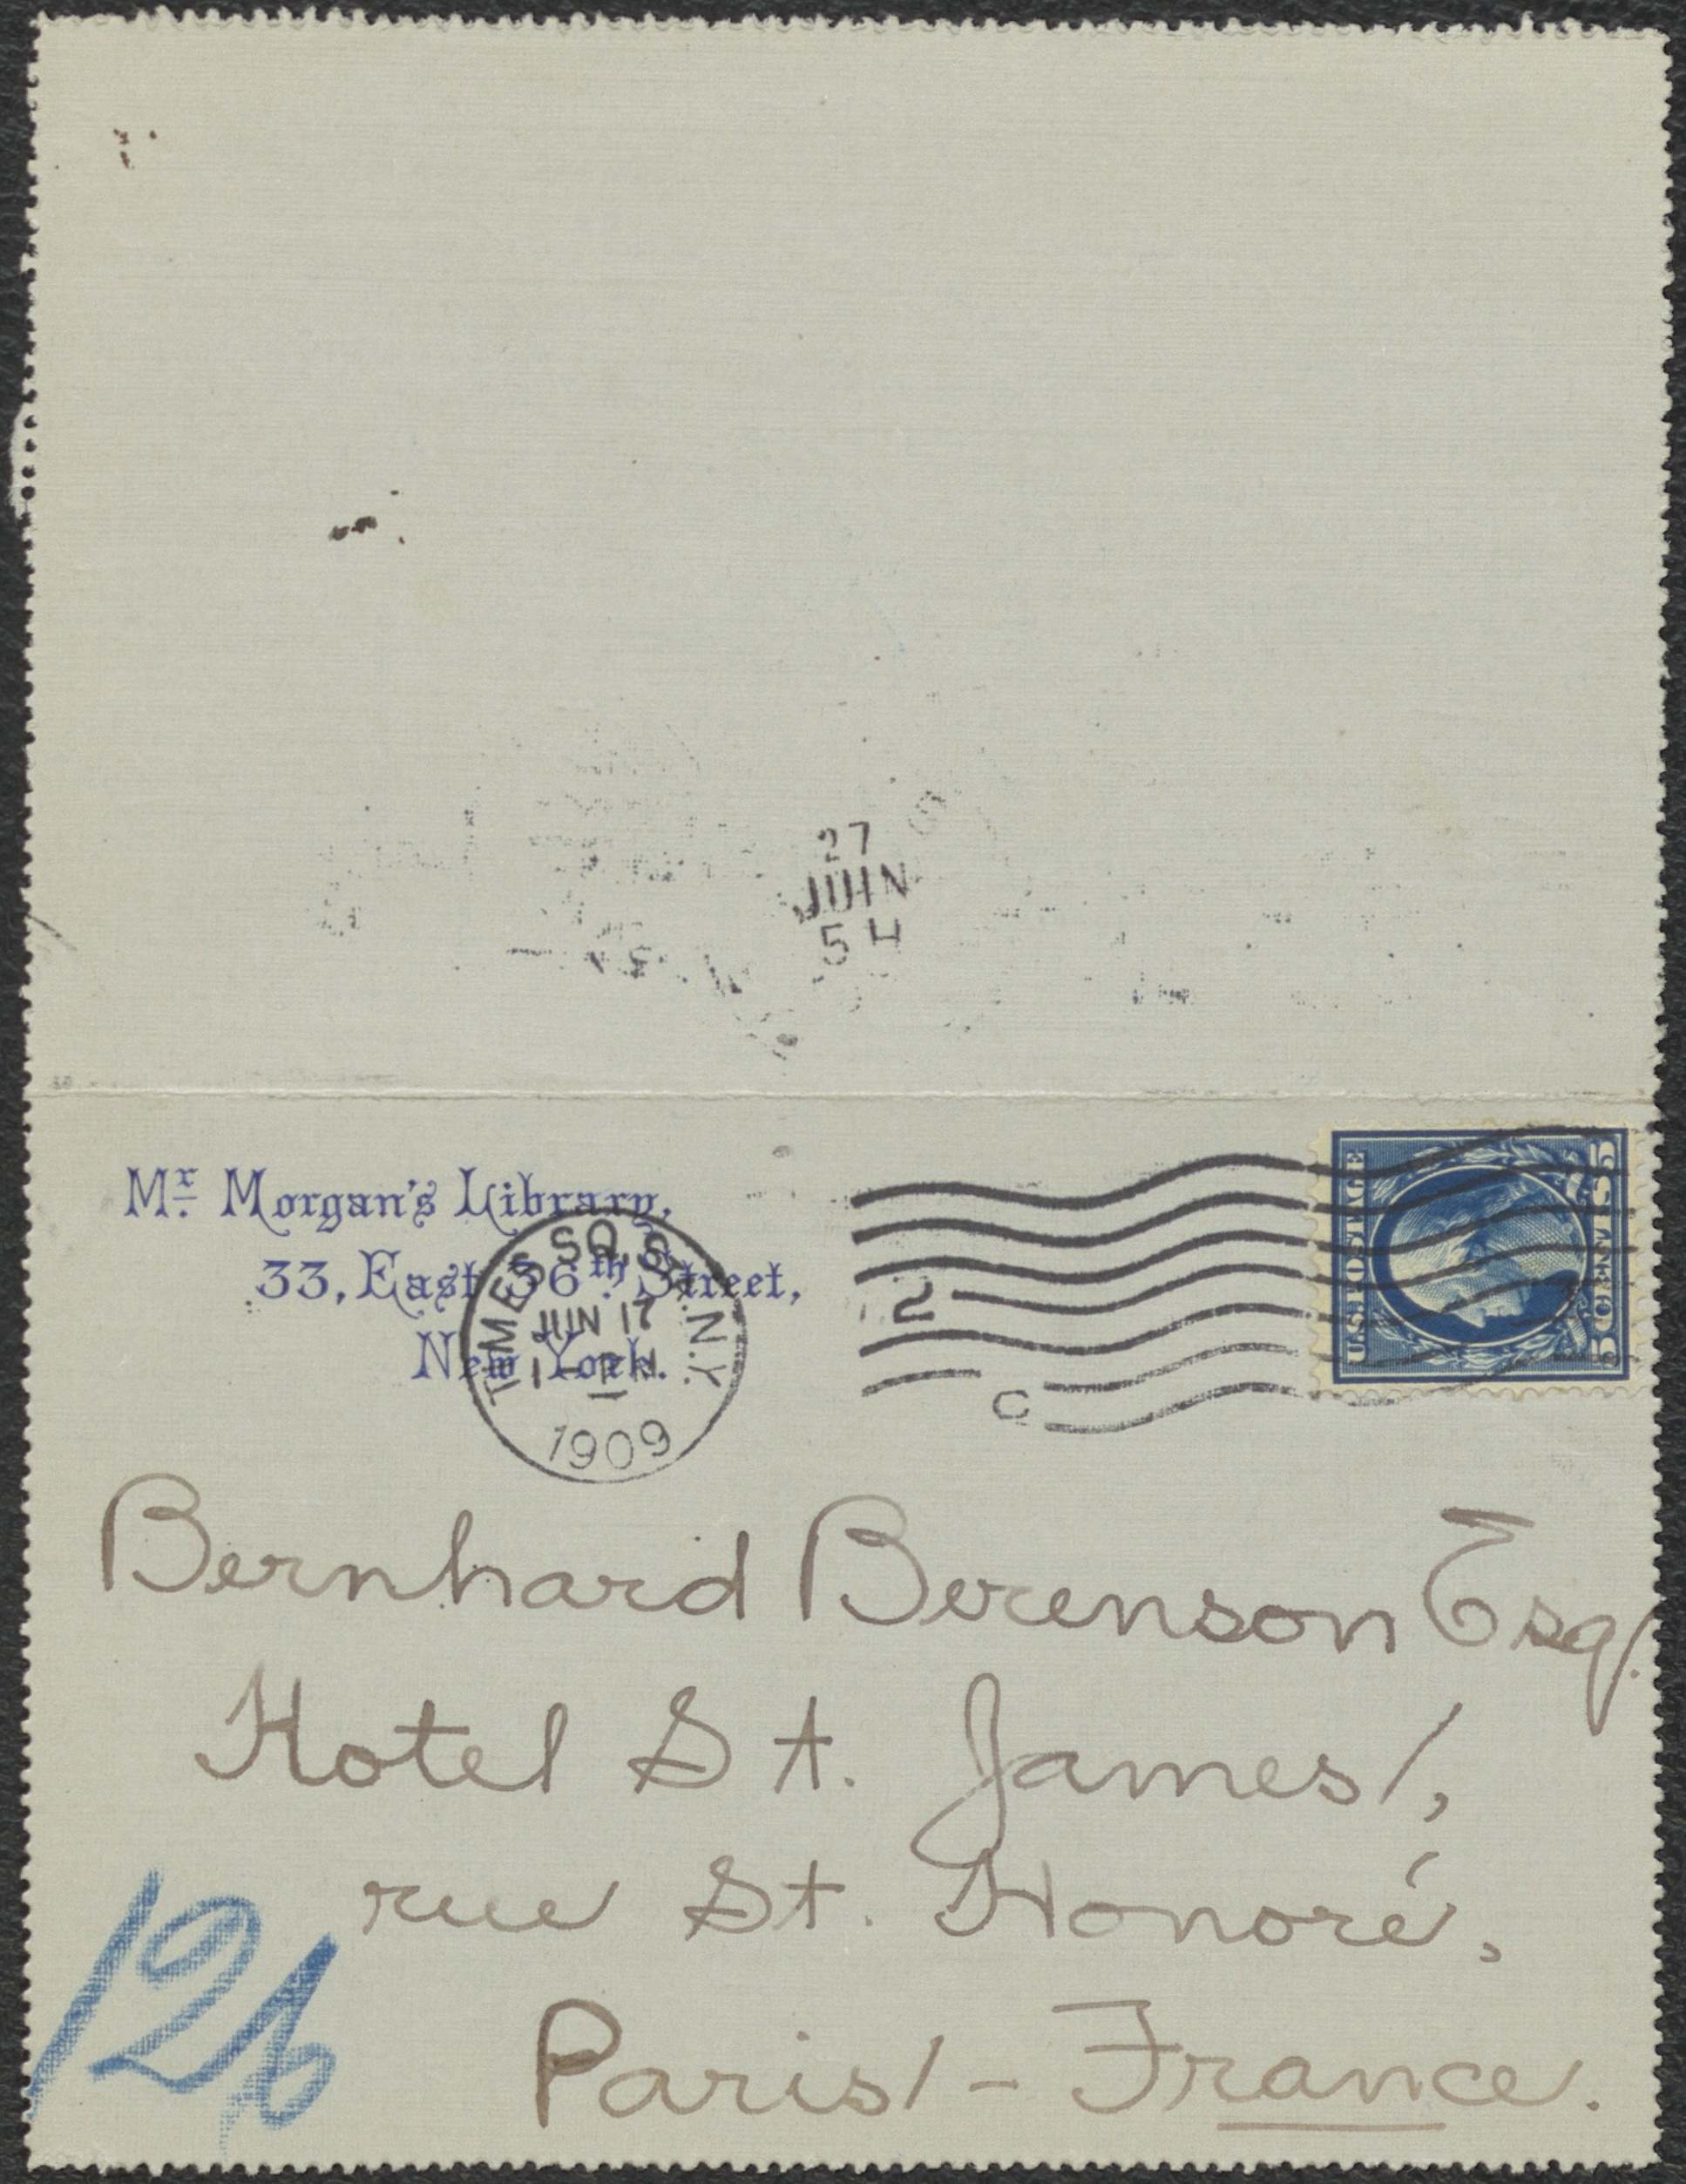[on envelope:
Bernhard Berenson Esq.
Hotel St. James /,
rue St. Honoré,
Paris / – France.]